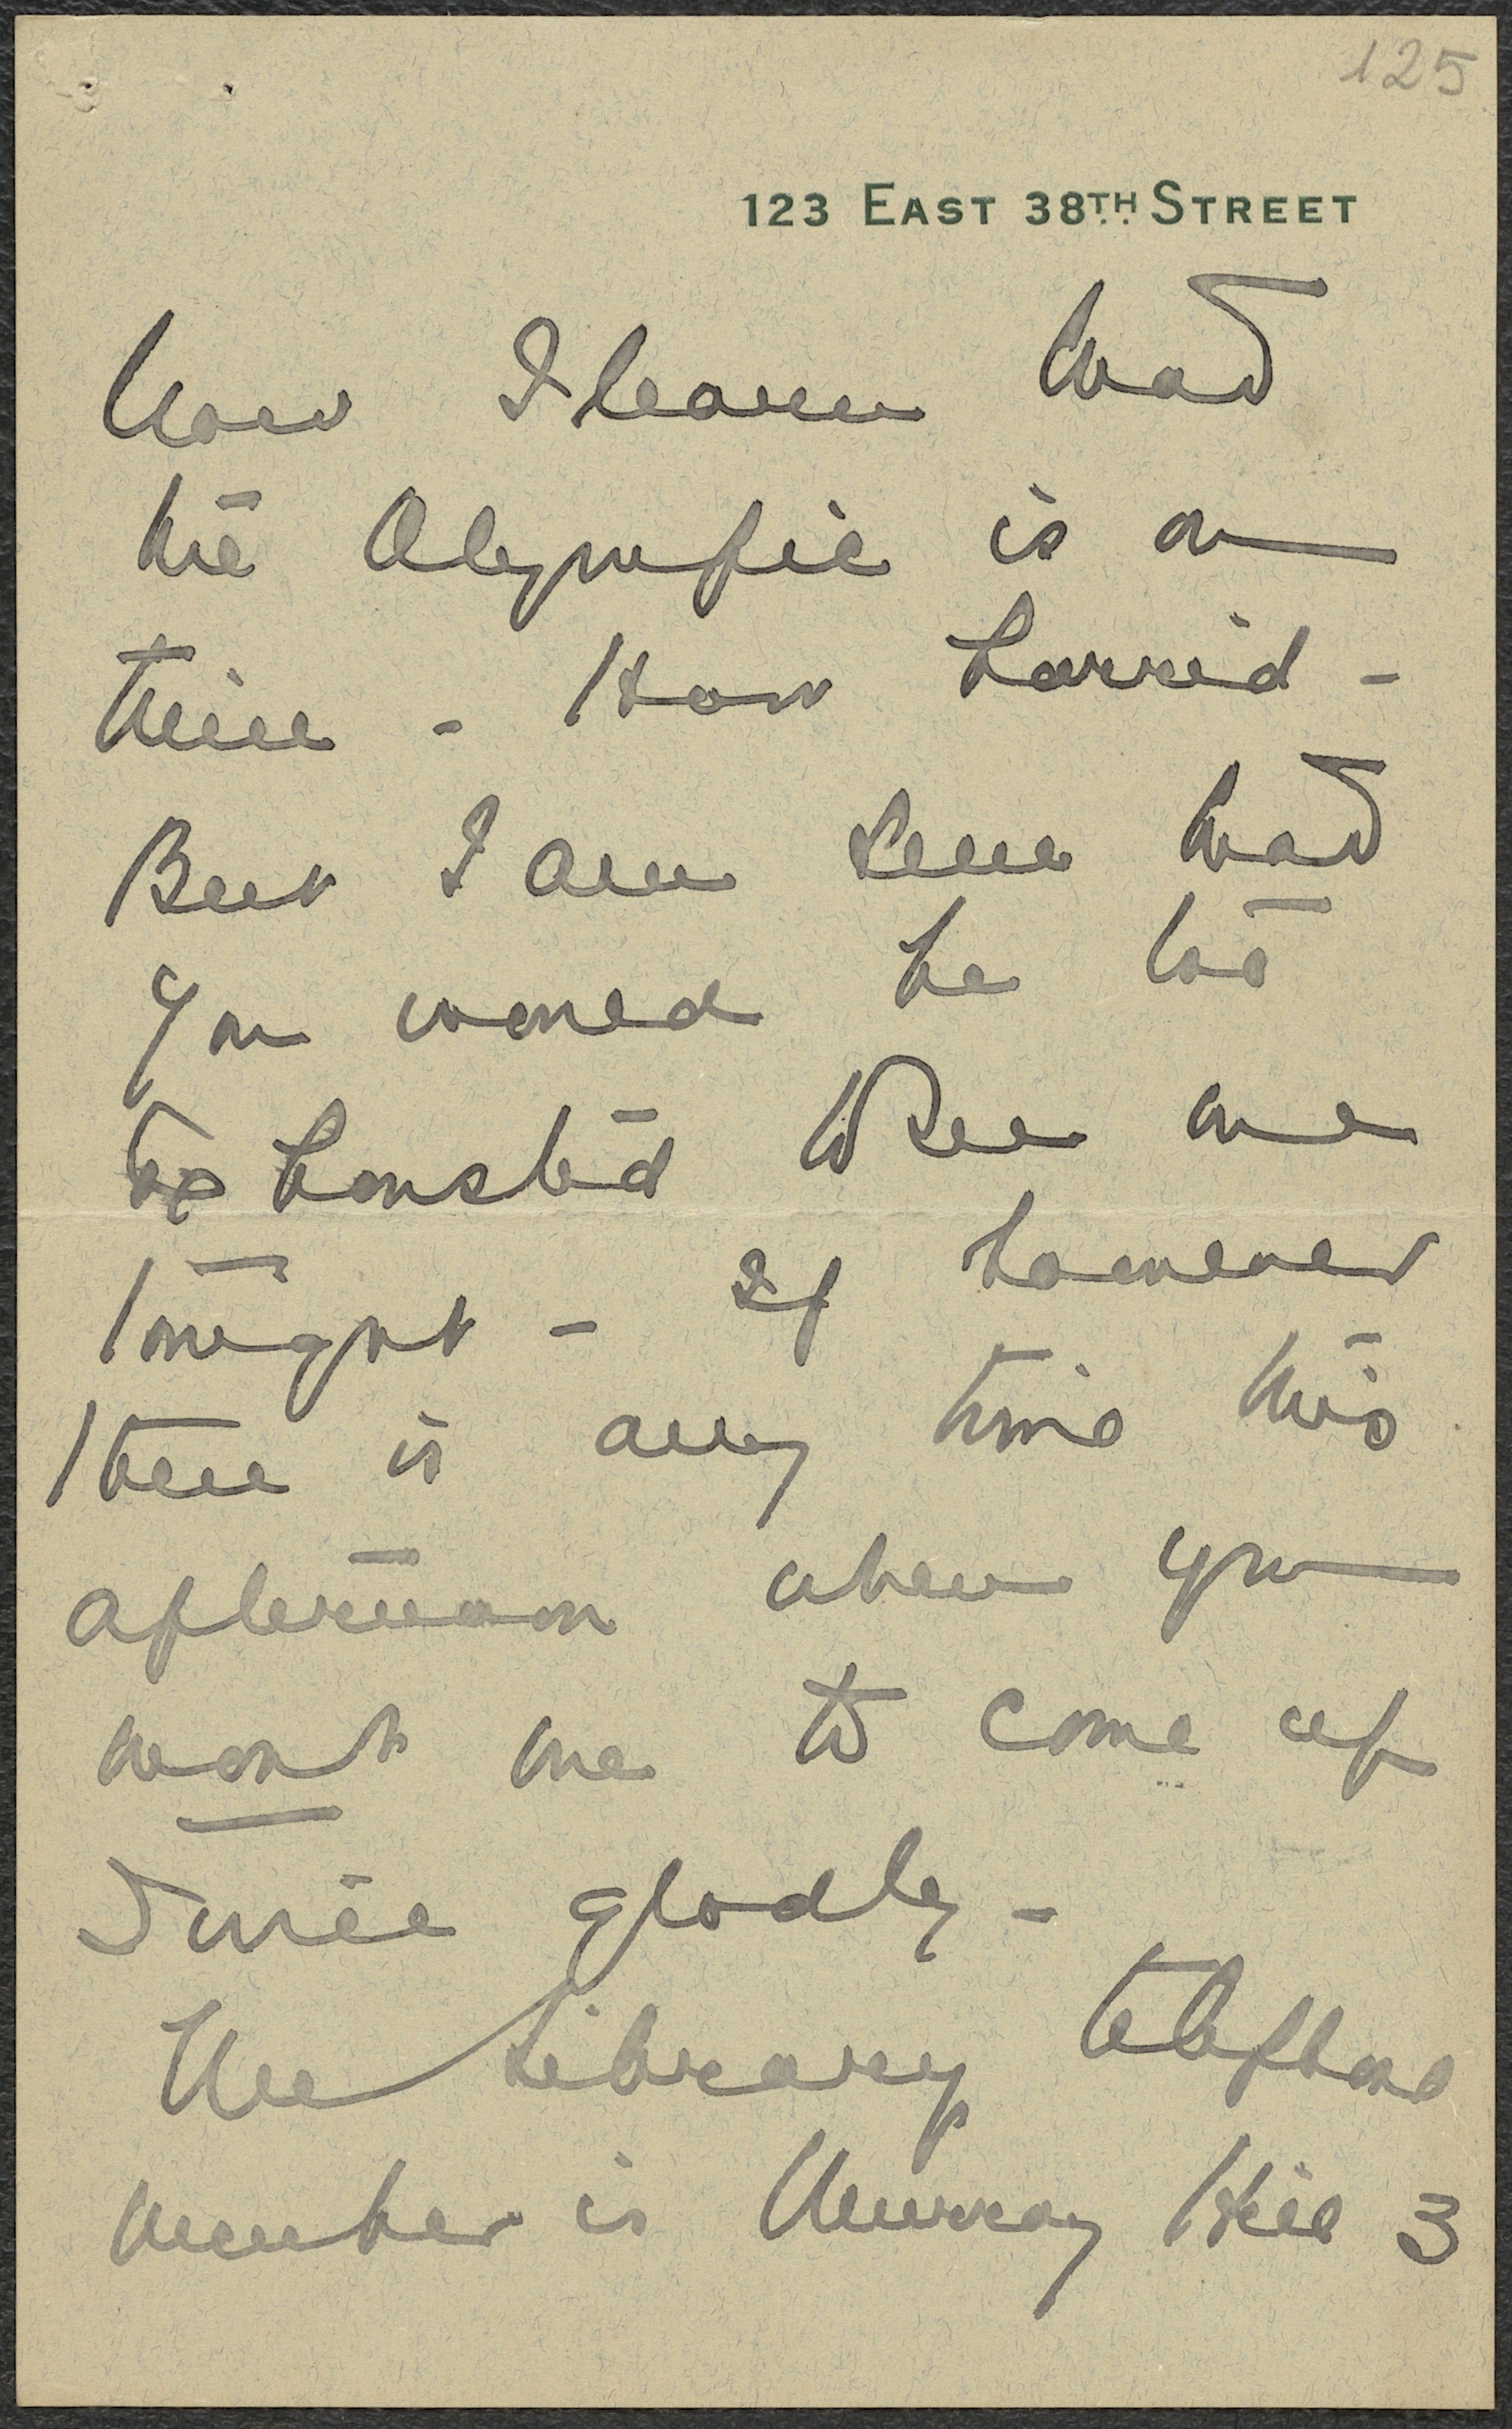Now I learn that the Olympic is on time – How horrid – But I am sure that you would be too exhausted to see me tonight – If however there is any time this afternoon when you want me to come up I will gladly –
The Library telephone number is Murray Hill 3